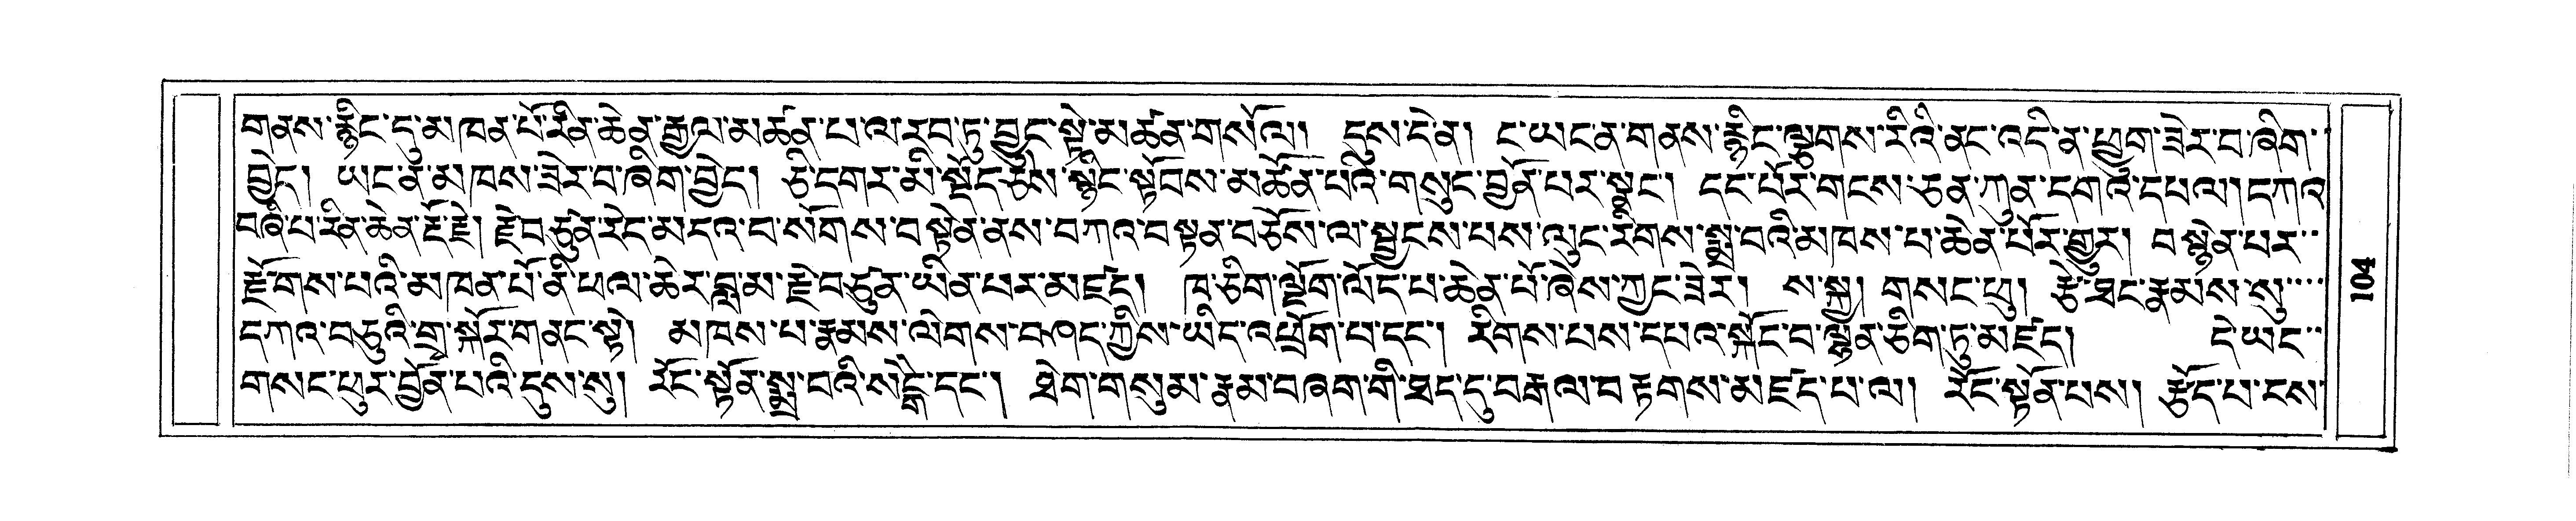གནས་རྙིང་དུ་མཁན་པོ་རིན་ཆེན་རྒྱལ་མཚན་པ་ལ་རབ་ཏུ་བྱུང་སྟེ་མཚན་གསོལ། དུས་དེ་ན། ང་ཡང་ན་གནས་རྙིང་ལྕགས་རིའི་ནང་འདི་ན་ཕྱུག་ཟེར་བ་ཞིག་
བྱེད། ཡང་ན་མཁས་ཟེར་བ་ཞིག་བྱེད། ཅི་དགར་མི་སྡོད་ཅེས་སྙིང་སྟོབས་མཚོན་པའི་གསུང་བྱོན་པར་སྣང་། དང་པོར་གནང་ཅན་ཀུན་དགའ་དཔལ། དཀའ་
བཞི་པ་རིན་ཆེན་རྡོ་རྗེ། རྗེ་བཙུན་རེད་མདའ་བ་སོགས་བསྟེན་ནས་བཀའ་བསྟན་བཅོས་ལ་སྦྱངས་པས་ལུང་རིགས་སྨྲ་བའི་མཁས་པ་ཆེན་པོར་གྱུར། བསྙེན་པར་
རྫོགས་པའི་མཁན་པོ་ནི་ཕལ་ཆེར་བླ་མ་རྗེ་བཙུན་ཡིན་པར་མཛད། ཁ་ཅིག་ལྡོག་ལོད་པ་ཆེན་པོ་ཞེས་ཀྱང་ཟེར། ས་སྐྱ། གསང་ཕུ། རྩེ་ཐང་རྣམས་སུ་
དཀའ་བཅུའི་གྲ་སྐོར་གནང་སྟེ། མཁས་པ་རྣམས་ལེགས་བཤད་ཀྱིས་ཡིད་འཕྲོག་པ་དང་། རིགས་པས་དཔའ་སྐོང་བ་ལྷན་ཅིག་ཏུ་མཛད། དེ་ཡང་
གསང་ཕུར་བྱོན་པའི་དུས་སུ། རོང་སྟོན་སྨྲ་བའི་སེངྒེ་དང་། ཐེག་གསུམ་རྣམ་བཞག་གི་ཐད་དུ་བརྒལ་བརྟགས་མཛད་པ་ལ། རོང་སྟོན་པས། རྩོད་པ་ངས་